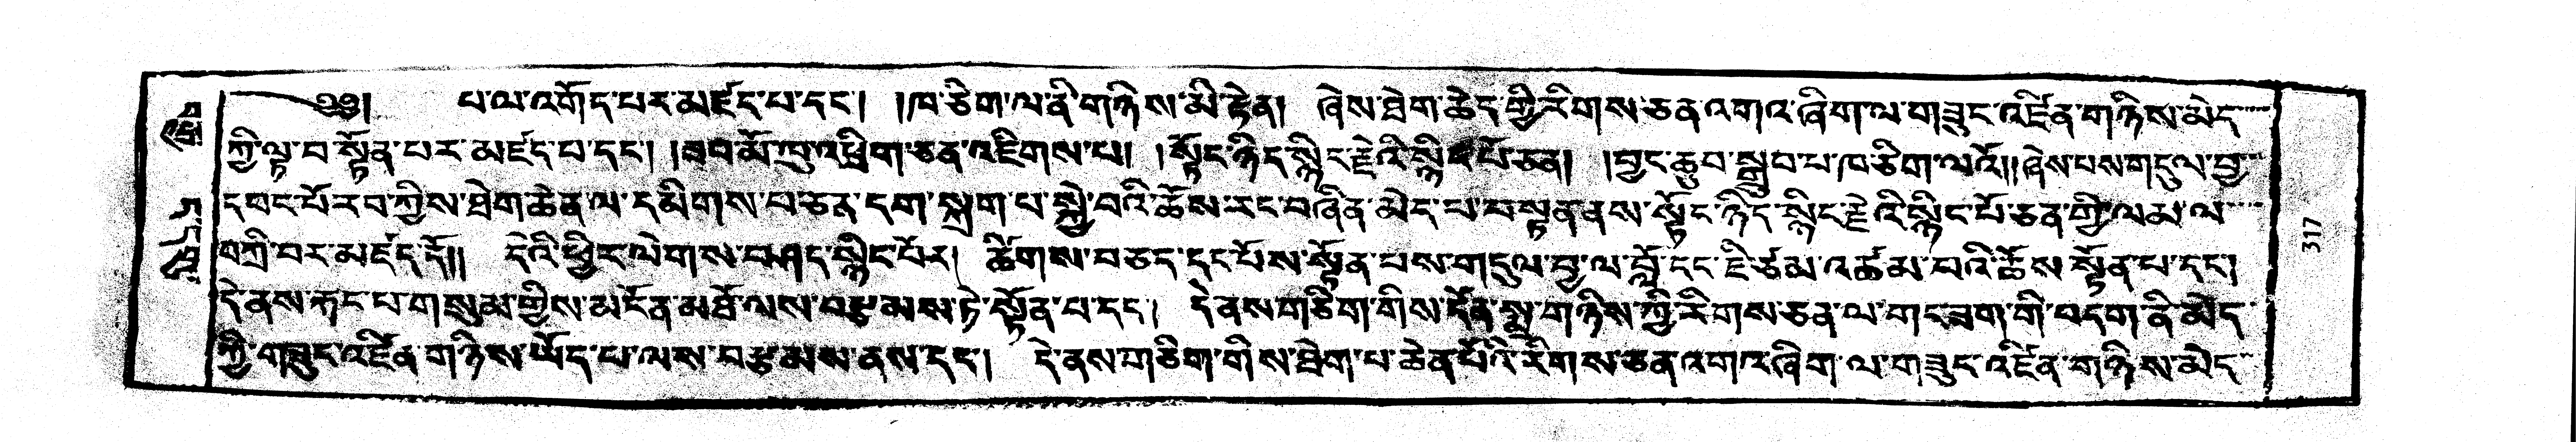༄༅། །པ་ལ་འགོད་པར་མཛད་པ་དང་། །ཁ་ཅིག་ལ་ནི་གཉིས་མི་རྟེན། ཞེས་ཐེག་ཆེན་གྱི་རིགས་ཅན་འགའ་ཞིག་ལ་གཟུང་འཛིན་གཉིས་མེད་
ཀྱི་ལྟ་བ་སྟོན་པར་མཛད་པ་དང་། །ཟབ་མོ་ཁུ་འཕྲིག་ཅན་འཇིགས་པ། །སྟོང་ཉིད་སྙིང་རྗེའི་སྙིང་པོ་ཅན། །བྱང་ཆུབ་སྒྲུབ་པ་ཁ་ཅིག་ལའོ། །ཞེས་པས་གདུལ་བྱ་
དབང་པོ་རབ་ཀྱིས་ཐེག་ཆེན་ལ་དམིགས་པ་ཅན་དག་སྐྲག་པ་སྐྱེ་བའི་ཆོས་རང་བཞིན་མེད་པ་བསྟན་ནས་སྟོང་ཉིད་སྙིང་རྗེའི་སྙིང་པོ་ཅན་གྱི་ལམ་ལ་
བཀྲི་བར་མཛད་དོ། །དེའི་ཕྱིར་ལེགས་བཤད་སྙིང་པོར། ཚིགས་བཅད་དང་པོས་སྟོན་པས་གདུལ་བྱ་ལ་བློ་དང་ཇི་ཙམ་འཚམ་པའི་ཆོས་སྟོན་པ་དང་།
དེ་ནས་རྐང་པ་གསུམ་གྱིས་མངོན་མཐོ་ལས་བརྩམས་ཏེ་སྟོན་པ་དང་། དེ་ནས་གཅིག་གིས་དོན་སྨྲ་གཉིས་ཀྱི་རིགས་ཅན་ལ་གང་ཟག་གི་བདག་ནི་མེད་
ཀྱི་གཟུང་འཛིན་གཉིས་ཡོད་པ་ལས་བརྩམས་ནས་དང་། དེ་ནས་གཅིག་གིས་ཐེག་པ་ཆེན་པོའི་རིགས་ཅན་འགའ་ཞིག་ལ་གཟུང་འཛིན་གཉིས་མེད་